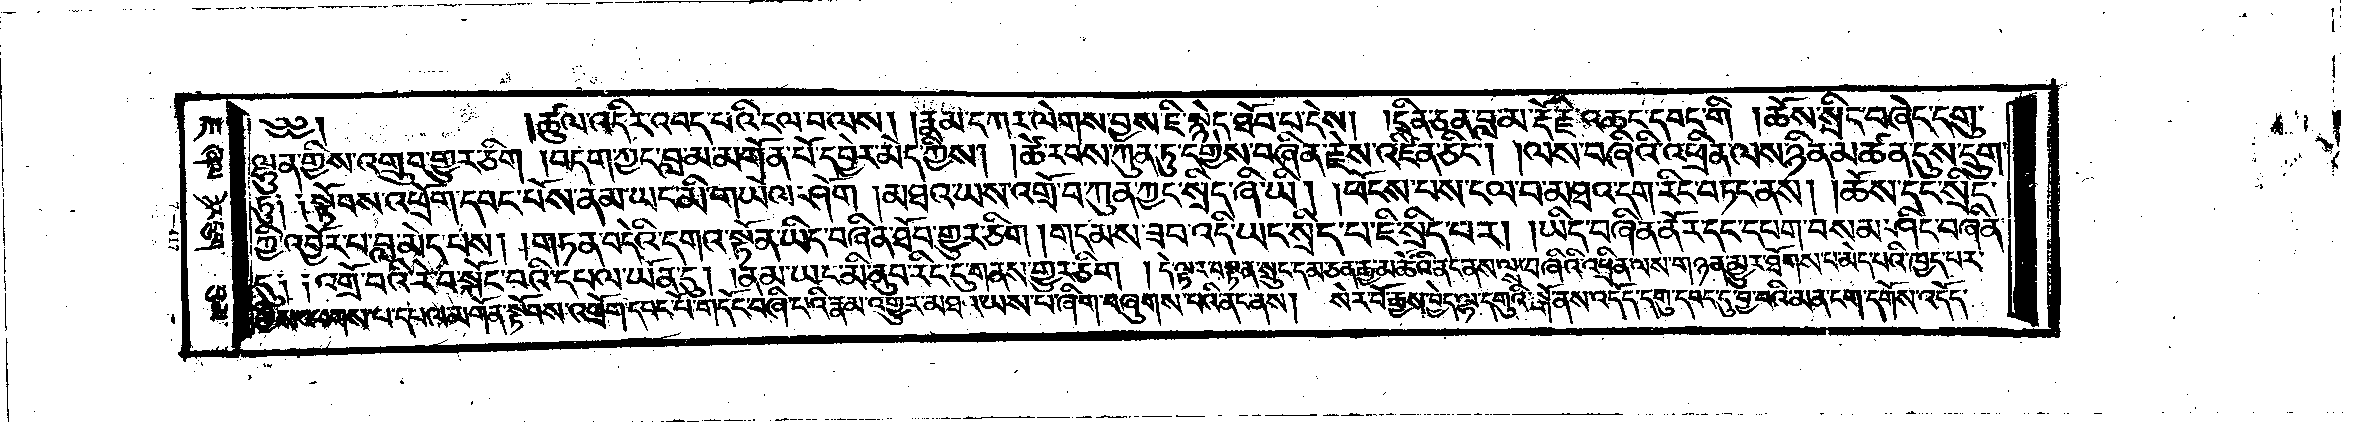༄༅། །ཚུལ་འདིར་འབད་པའི་ངལ་བ་ལས། །རྣམ་དཀར་ལེགས་བྱས་ཇི་སྙེད་ཐོབ་པ་དེས། །དྲིན་ཅན་བླ་མ་རྡོ་རྗེ་འཆང་དབང་གི །ཆོས་སྲིད་བཞེད་དགུ་
ལྷུན་གྱིས་འགྲུབ་གྱུར་ཅིག །བདག་ཀྱང་བླ་མ་མགོན་པོ་དབྱེར་མེད་ཀྱིས། །ཚེ་རབས་ཀུན་ཏུ་དགྱེས་བཞིན་རྗེས་འཛིན་ཅིང་། །ལས་བཞིའི་འཕྲིན་ལས་ཉིན་མཚན་དུས་དྲུག་
ཏུ༑ ༑སྟོབས་འཕྲོག་དབང་པོས་ནམ་ཡང་མི་གཡེལ་ཤོག །མཐའ་ཡས་འགྲོ་བ་ཀུན་ཀྱང་སྲིད་ཞི་ཡི། །ཕོངས་པས་ངལ་བ་མཐའ་དག་རིང་བཏང་ནས། །ཆོས་དང་སྲིད་
ཀྱི་འབྱོར་པ་བླ་མེད་པས། །གཏན་བདེའི་དགའ་སྟོན་ཡིད་བཞིན་ཐོབ་གྱུར་ཅིག །གདམས་ཟབ་འདི་ཡང་སྲིད་པ་ཇི་སྲིད་བར། །ཡིད་བཞིན་ནོར་དང་དཔག་བསམ་ཤིང་བཞིན་
དུ༑ ༑འགྲོ་བའི་རེ་བ་སྐོང་བའི་དཔལ་ཡོན་དུ། །ནམ་ཡང་མི་ནུབ་རིང་དུ་གནས་གྱུར་ཅིག །དེ་ལྟར་བསྟན་སྲུང་དམ་ཅན་རྒྱ་མཚོའི་ནང་ནས་ལས་བཞིའི་འཕྲིན་ལས་གཉན་མྱུར་ཐོགས་པ་མེད་པའི་ཁྱད་པར་
གྱིས་འཕགས་པ་དཔལ་མགོན་སྟོབས་འཕྲོག་དབང་པོ་གདོང་བཞི་པའི་རྣམ་འགྱུར་མཐའ་ཡས་པ་ཞིག་བཞུགས་པའི་ནང་ནས། སེར་པོ་རྒྱས་བྱེད་ལྷ་དགུའི་སྒོ་ནས་འདོད་དགུ་དབང་དུ་བྱ་བའི་མན་ངག་དགོས་འདོད་